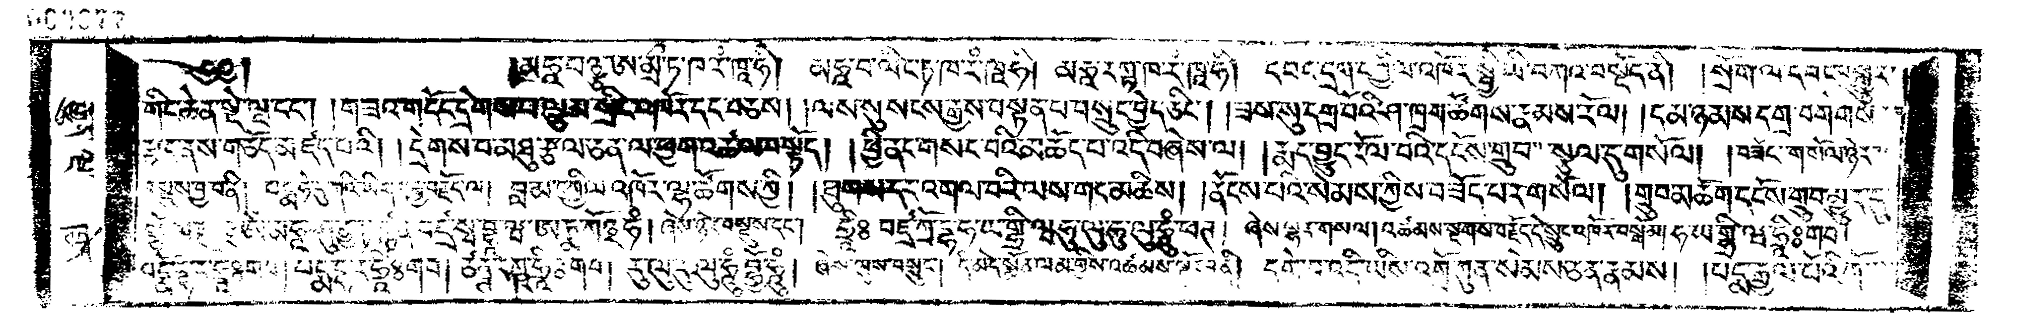༄༅། །མཧཱ་པཉྩ་ཨ་མྲྀ་ཏ་ཁ་རཾ་ཁཱ་ཧི། མཧཱ་བ་ལིང་ཏ་ཁ་རཾ་ཁཱ་ཧི། མཧཱ་རཀྟ་ཁ་རཾ་ཁཱ་ཧི། དབང་དྲག་དཀྱིལ་འཁོར་སྤྱི་ཡི་བཀའ་བསྡོད་ནི། །སྲོག་ལ་དབང་བསྒྱུར་
གིང་ཆེན་སྡེ་ལྔ་དང་། །གཟའ་གདོང་དྲེགས་པ་ལྕམ་སྲིང་འཁོར་དང་བཅས། །ལས་སུ་སངས་རྒྱས་བསྟན་པ་བསྲུང་བྱེད་ཅིང་། །ཟས་སུ་དགྲ་བོའི་ཤ་ཕྲག་ཚོགས་རྣམས་རོལ། །དམ་ཉམས་དགྲ་བགེགས་
རྩང་ནས་གཅོད་མཛད་པའི། །དྲེགས་པ་མཐུ་རྩལ་ཅན་ལ་ཕྱག་འཚལ་བསྟོད། །ཕྱི་ནང་གསང་བའི་མཆོད་པ་འདི་བཞེས་ལ། །རྨད་བྱུང་རོལ་བའི་དངོས་གྲུབ་སྩལ་དུ་གསོལ། །བཟོང་གསོལ་ཉེར་
བསྡུས་བྱ་བ་ནི། པདམ་ཧེ་རུ་ཀའི་ཡིག་བརྒྱ་བརྗོད་ལ། བླ་མ་དཀྱིལ་འཁོར་ལྷ་ཚོགས་ཀྱི། །ཐུགས་དང་འགལ་བའི་ལས་གང་མཆིས། །ནོངས་པའི་སེམས་ཀྱིས་བཟོད་པར་གསོལ། །གྲུབ་མཆོག་དངོས་གྲུབ་མྱུར་དུ་
སྩོལ༑ ༑ཨོཾ་མཧཱ་ཤུ་ནྱ་ཏ་ཛྙཱ་ན་བཛྲ་སྭ་བྷཱ་ཝ་ཨཏྨ་ཀོཉྷཾ། ཞེས་ཉེར་བསྡུས་དང་།  ཧྲཱིཿ བཛྲ་ཀྲོ་དྷ་ཧ་ཡ་གྷྲི་ཝ་ཧུ་ལུ་ཧུ་ལུ་ཧཱུཾ་ཕཊ། ཞེས་ལྷར་གསལ། འཚམས་སྔགས་བརྗོད་དེ་སྲུང་འཁོར་བསྒོམ།  ཧ་ཡ་གྷྲི་ཝ་ཧྲཱིཿ གབ།
པདམོ་དྷ་ར་ཧྲཱིཿ གབ། པདམ་དྷ་ར་ཧྲཱིཿ གབ། ཙནྚ་རཀྵ་ཧྲཱིཿ གབ། རུ་ལུ་རུ་ལུ་ཧཱུཾ་བྷྱོ་ཧཱུཾ། ཞེས་ལུས་བསྲུང་། དྲི་མེད་སྨོན་ལམ་གྱིས་འཚམས་སྦྱོར་བ་ནི།  དགེ་བ་འདི་ཡིས་འགྲོ་ཀུན་སེམས་ཅན་རྣམས། །པདམ་རྒྱལ་པོའི་གོ་